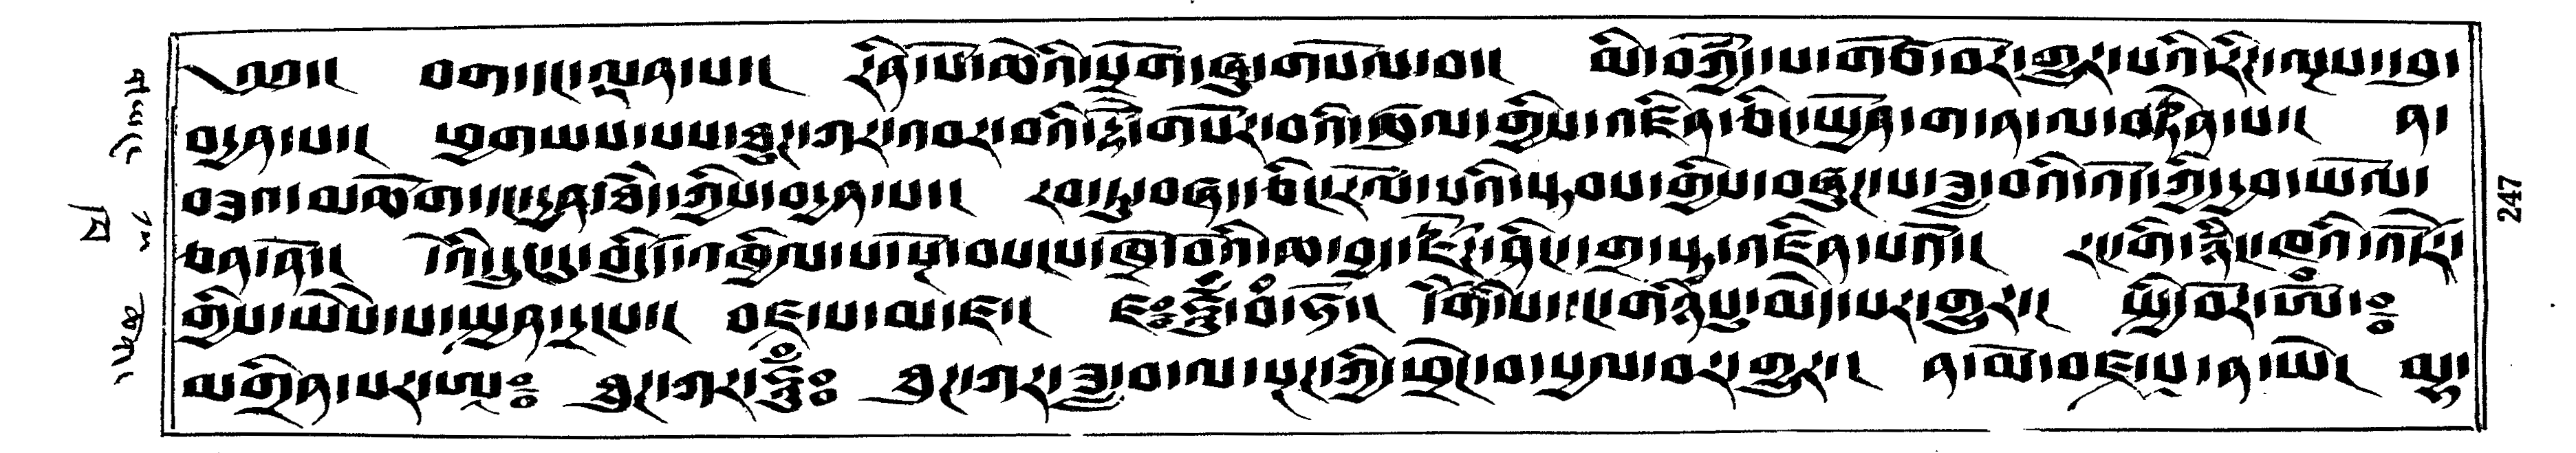བག་དང་ལྡན་པ། རིན་པོ་ཆེའི་སྲོག་ཞུ་གསོལ་བ། མི་བསྐྱོད་པ་གཙོ་བོར་གྱུར་པའི་རིགས་ལྔས་དབུ་
བརྒྱན་པ། ཕྱག་ཡས་པས་ཐུགས་ཀར་འབར་བའི་རྡོ་རྗེ་གསོར་བའི་ཚུལ་གྱིས་འཛིན་ཅིང་གཡོན་གདན་ལ་བརྟེན་པ། ན་
བཟའ་མཆོག་དང་རྒྱན་ཐམས་ཅད་ཀྱིས་བརྒྱན་པ། རབ་ཏུ་བཞད་ཅིང་རོལ་པའི་སྟབས་ཀྱིས་བཞུགས་པ་ཟླ་བའི་འོད་ཀྱི་རྒྱབ་ཡོལ་
ཅན་ནོ།། དེའི་དྲུང་དུ་བདུད་རྩི་འཁྱིལ་པ་སྔོ་བསངས་ཁྲོ་བོའི་ཆ་བྱད་རྫོགས་ཤིང་དགྲ་སྟྭ་འཛིན་པའོ།། རང་གི་སྙིང་གའི་འོད་ཟེར་
གྱིས་ཡེ་ཤེས་པ་སྤྱན་དྲངས། བཛྲ་ས་མ་ཛ། ཛ༔ཧཱུྃ་བཾ་ཧོ། དམ་ཚིག་པ་དང་གཉིས་སུ་མེད་པར་གྱུར། སྤྱི་བོར་ཨོཾ། 
མགྲིན་པར་ཨཱ། ཐུགས་ཀར་ཧཱུྃ། ཐུགས་ཀར་ཟླ་བ་ལ་སྔགས་ཀྱི་ཕྲེང་བ་གསལ་བར་གྱུར། །ན་མོ་བཛྲ་པཱ་ནི་ཡེ། མ་ཧཱ་